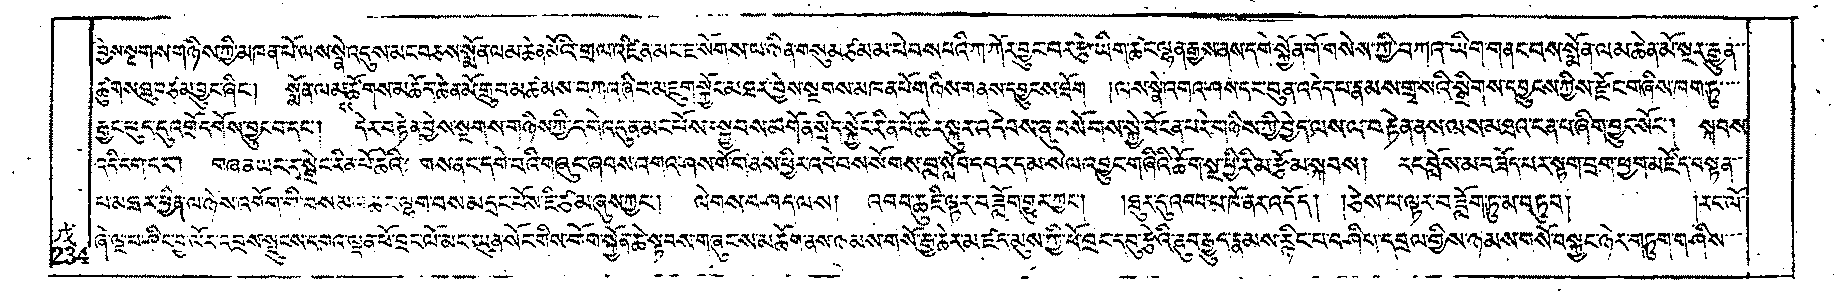བྱེས་སྔགས་གཉིས་ཀྱི་མཁན་པོ་ལས་སྣེ་འདུས་མང་བཅས་སྨོན་ལམ་ཆེན་མོའི་གྲལ་འཛིན་མང་ཇ་སོགས་ལ་ཉིན་གསུམ་ཙམ་མ་ཕེབས་པའི་ཀ་ཀོར་བྱུང་བར་རྩེ་ཡིག་ཚང་ལྷན་རྒྱས་ནས་དགེ་སྐྱོན་གོ་གསེས་ཀྱི་བཀའ་ཡིག་གནང་བས་སྨོན་ལམ་ཆེན་མོ་སྔར་རྒྱུན་
ཚུགས་ཐུབ་ཙམ་བྱུང་ཞིང་། སྨོན་ལམ་དང་ཚོགས་མཆོད་ཆེན་མོ་གྲུབ་མཚམས་བཀའ་ཞིབ་མཇུག་སྐྱོང་མཐར་བྱེས་སྔགས་མཁན་པོ་གཉིས་གནས་དབྱུངས་ཐོག །ལས་སྣེ་འགའ་ཤས་དང་བུན་འདེད་པ་རྣམས་གྲྭ་སའི་སྒྲིགས་དབྱུངས་ཀྱིས་རྫོང་གཞིས་ཁག་ཏུ་
རྒྱང་ཕུད་དུ་འགྲོ་དགོས་བྱུང་བ་དང་། དེར་བརྟེན་བྱེས་སྔགས་གཉིས་ཀྱི་དགེ་འདུན་མང་པོས་༧སྐྱབས་མགོན་སྲིད་སྐྱོང་རིན་པོ་ཆེར་སྐུར་འདེབས་ཞུབ་སོགས་སྐྱེ་བོ་ངན་པ་རེ་གཉིས་ཀྱི་བྱེད་ལས་ལ་བརྟེན་ནས་ལས་མཐའ་ངན་པ་ཞིག་བྱུང་སོང་། སྐབས་
འདི་དག་དང་། གཞན་ཡང་རྭ་སྒྲེང་རིན་པོ་ཆེའི་ཐུགས་ནང་དགེ་བའི་གཞུང་ཞབས་འགའ་ཤས་གོ་གནས་ཕྱིར་འབེབས་སོགས་བླ་སློབ་དབར་དམ་སེལ་འབྱུང་གཞིའི་ཆོ་ག་སྔ་ཕྱི་རིམ་རྩོམ་སྐབས། རང་བློས་མ་བཟོད་པར་སྟག་བྲག་ཕྱག་མཛོད་བསྟན་
པ་མཐར་ཕྱིན་ལ་ཉེས་འགོག་གི་བསམ་འཆར་ལྷག་བསམ་དྲང་པོས་ཇི་ཙམ་ཞུས་ཀྱང་། ལེགས་བཤད་ལས། འབབ་ཆུ་ཇི་ལྟར་བཟློག་གྱུར་ཀྱང་། །ཐུར་དུ་འབབ་པ་ཁོ་ནར་འདོད། །ཅེས་པ་ལྟར་བཟློག་ཏུ་མ་བཏུབ། །རང་ལོ་
ཞེ་ལྔ་པ་ཤིང་བྱ་ལོར་འབྲས་སྤུངས་དགའ་ལྡན་ཕོ་བྲང་ལོ་མང་ཡུན་སོང་གིས་གོག་སྐྱོན་ཆེ་སྟབས་གཞུང་ས་མཆོག་ནས་ཉམས་གསོ་རྒྱ་ཆེར་མཛད་མུས་ཀྱི་ཕོ་བྲང་དབུ་རྩེའི་ནུབ་རྒྱུད་རྣམས་རྙིང་པ་བཤིང་། དབྲལ་གྱིས་ཉམས་གསོ་བསྐྱང་ཉེར་གཏུག་གཤིས་